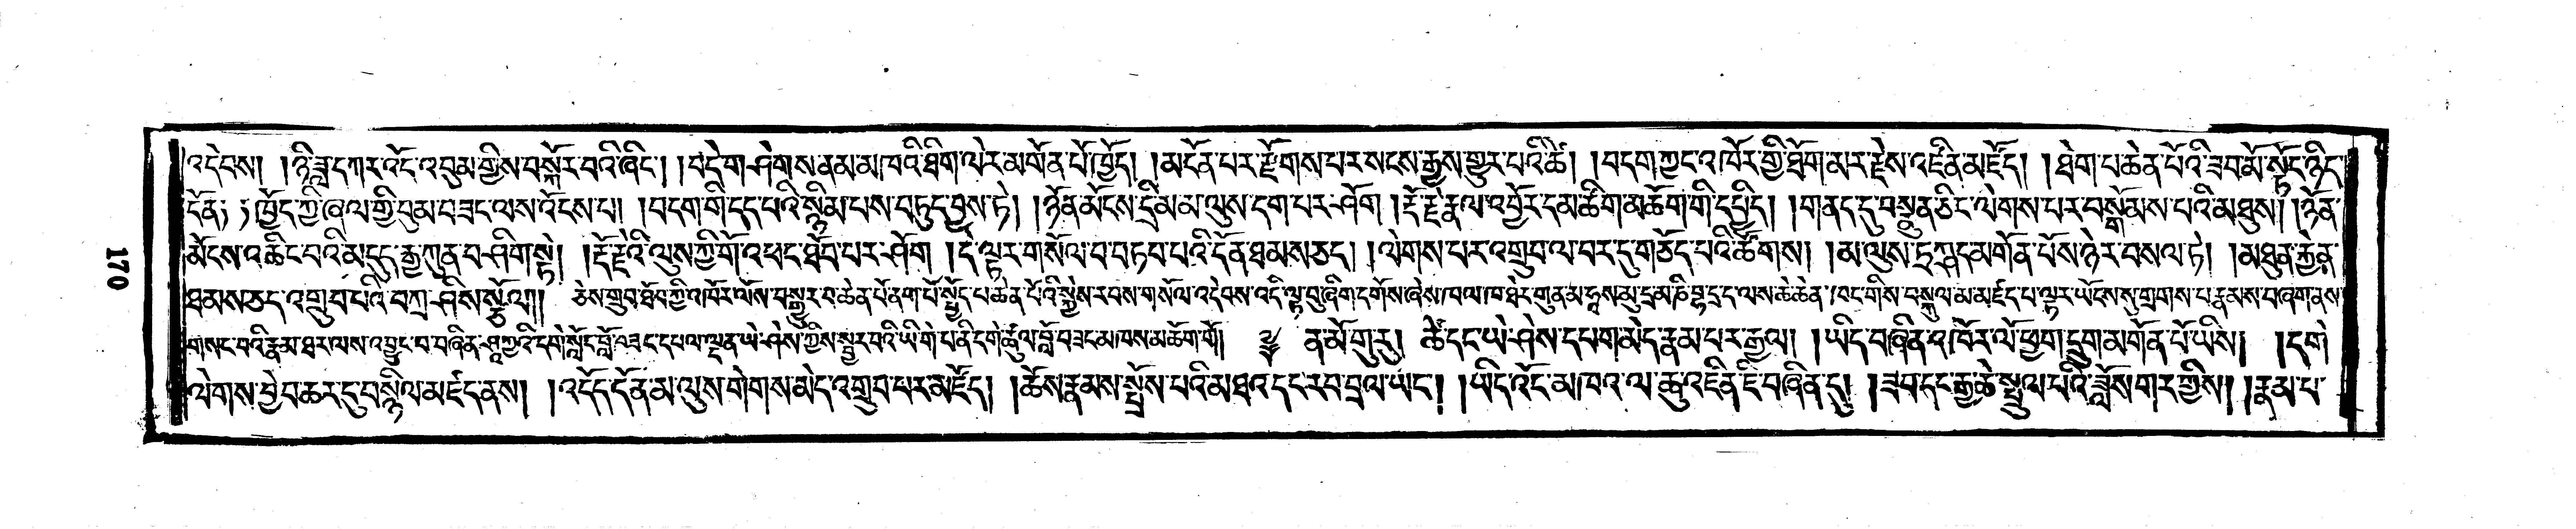འདེབས། །ཉི་ཟླ་དཀར་འོད་འབུམ་གྱིས་བསྐོར་བའི་ཞིང་། །བདེ་གཤེགས་ནམ་མཁའི་ཐིག་ལེར་མགོན་པོ་ཁྱོད། །མངོན་པར་རྫོགས་པར་སངས་རྒྱས་གྱུར་པའི་ཚེ། །བདག་ཀྱང་འཁོར་གྱི་ཐོག་མར་རྗེས་འཛིན་མཛོད། །ཐེག་པ་ཆེན་པོའི་ཟབ་མོ་སྟོང་ཉིད་
དོན༑ ༑ཁྱོད་ཀྱི་ཞལ་གྱི་བུམ་བཟང་ལས་འོངས་པ། །བདག་གི་དད་པའི་སྙིམ་པས་བཏུད་བྱས་ཏེ། །ཉོན་མོངས་དྲི་མ་ལུས་དག་པར་ཤོག །རྡོ་རྗེ་རྣལ་འབྱོར་དམ་ཚིག་མཆོག་གི་དཔྱིད། །གནང་དུ་བསྣུན་ཅིང་ལེགས་པར་བསྒོམས་པའི་མཐུས། །ཉོན་
མོངས་འཆིང་བའི་མདུད་རྒྱ་ཀུན་བཤིག་སྟེ། །རྡོ་རྗེའི་ལུས་ཀྱི་གོ་འཕང་ཐོབ་པར་ཤོག །དེ་ལྟར་གསོལ་བ་བཏབ་པའི་དོན་ཐམས་ཅད། །ལེགས་པར་འགྲུབ་ལ་བར་དུ་གཅོད་པའི་ཚོགས། །མ་ལུས་ཏྲ་ཀྴད་མགོན་པོས་ཉེར་བསལ་ཏེ། །མཐུན་རྐྱེན་
ཐམས་ཅད་འགྲུབ་པའི་བཀྲ་ཤིས་སྩོལ།། ཅེས་གྲུབ་ཐོབ་ཀྱི་འཁོར་ལོས་བསྒྱུར་བ་ཆེན་པོ་ནག་པོ་སྤྱོད་པ་ཆེན་པོའི་སྐྱེས་རབས་གསོལ་འདེབས་འདི་ལྟ་བུ་ཞིག་དགོས་ཞེས་ཁལ་ཁ་ཐེར་གུན་མ་ཧཱ་ས་མུ་དྲ་མ་ཎི་བྷ་དྲ་ད་ལས་ཆེ་ཆེན་ཁང་གིས་བསྐུལ་མ་མཛད་པ་ལྟར་ཡོངས་སུ་གྲགས་པ་རྣམས་བཞག་ནས་
གསང་བའི་རྣམ་ཐར་ལས་འབྱུང་བ་བཞིན་ཤཱཀྱའི་དགེ་སློང་བློ་བཟང་དཔལ་ལྡན་ཡེ་ཤེས་ཀྱིས་སྦྱར་བའི་ཡི་གེ་པ་ནི་དགེ་ཚུལ་བློ་བཟང་མཁས་མཆོག་གོ། ༈ ན་མོ་གུ་རུ། ཚེ་དང་ཡེ་ཤེས་དཔག་མེད་རྣམ་པར་རྒྱལ། །ཡིད་བཞིན་འཁོར་ལོ་ཕྱག་དྲུག་མགོན་པོ་ཡིས། །དགེ་
ལེགས་བྱེ་བ་ཆར་དུ་བསྙིལ་མཛད་ནས། །འདོད་དོན་མ་ལུས་གེགས་མེད་འགྲུབ་པར་མཛོད། །ཆོས་རྣམས་སྤྲོས་པའི་མཐའ་དང་རབ་བྲལ་ཡང་། །ཡིད་འོང་མཁའ་ལ་ཆུ་འཛིན་ཇི་བཞིན་དུ། །ཟབ་དང་རྒྱ་ཆེ་སྤྲུལ་པའི་ཟློས་གར་གྱིས། །རྣམ་པ་